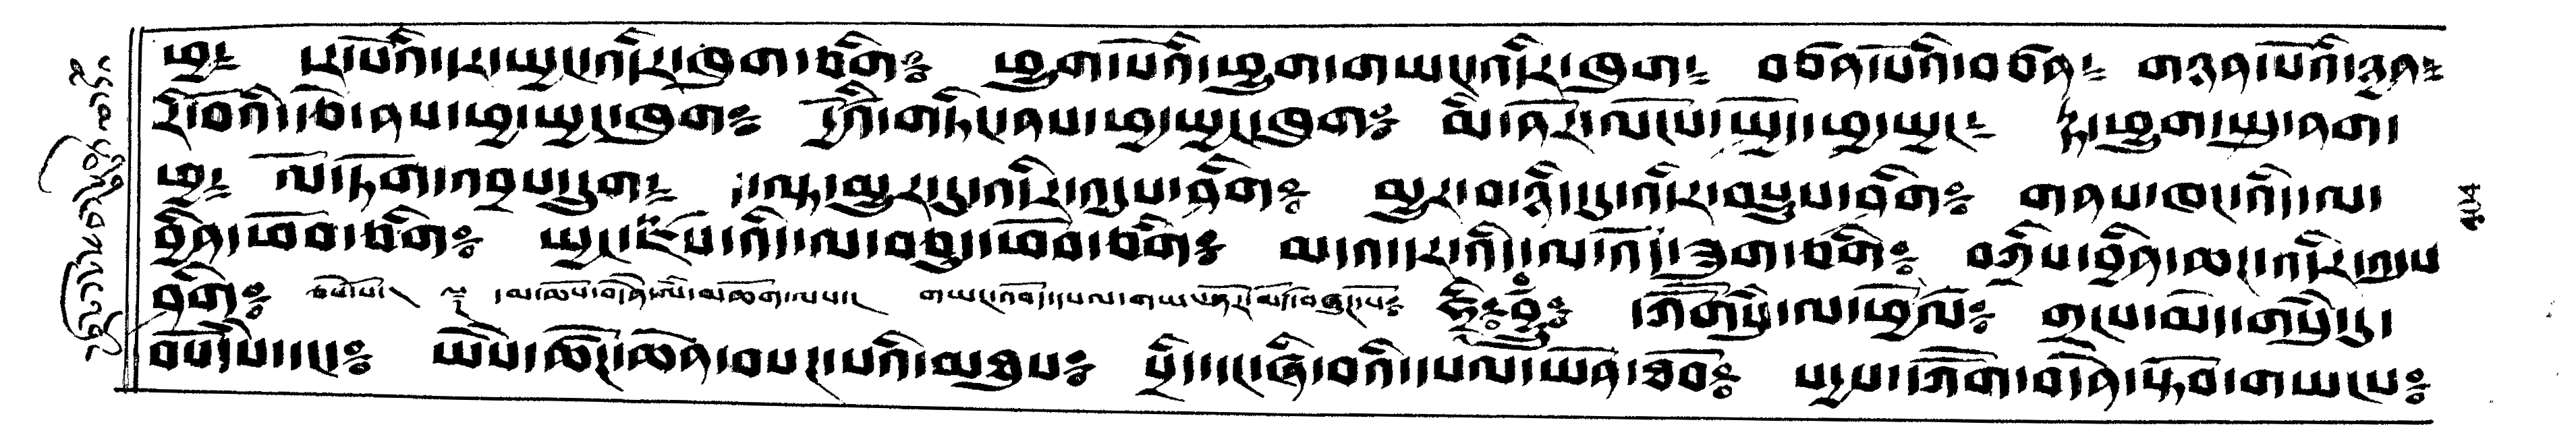ཕྱྭ༴ དར་པོའི་དར་གཡང་འདིར་ཁུག་ཅིག༔ ཕྱུག་པོའི་ཕྱུག་གཡང་འདིར་ཁུག༴ བཙན་པོའི་བཙན༴ གཉན་པོའི་གཉན༴ 
རི་བོའི་རྩེ་ནས་ཕྱྭ་གཡང་ཁུག༔ རྒྱ་མཚོའི་གཏིང་ནས་ཕྱྭ་གཡང་ཁུག༔ མི་ནོར་ལོངས་སྤྱོད་ཕྱ་གཡང༴ རྟ་ཕྱུགས་སྤུ་ནག༴ 
ཕྱ༴ ལོ་ཏོག་འབྲས་དྲུག༴ ད་ལྟ་མྱུར་དུ་འདིར་འདུས་ཤིག༔ མྱུར་བ་ཉིད་དུ་འདིར་བསྡུས་ཤིག༔ གནས་ཁང་འདི་ལ་
བྱིན་ཕོབ་ཅིག༔ གཡང་རྫས་འདི་ལ་བཅུད་ཕོབ་ཅིག༔ མདའ་དར་འདི་ལ་འོད་ཟུག་ཅིག༔ བཀྲ་ཤིས་བྱིན་ཆགས་འདིར་འདུས་
ཤིག༔ ཅེས་སོ།། ༈ དམ་ཆོས་བདེ་ཆེན་ལམ་མཆོག་ལས། གཡང་འབོད་དཔལ་གཡང་ནོར་མཛོད་བཞུགས་སོ༔ ཧྲཱི༔བྷྲུྃ༔ དཀོན་མཆོག་གསུམ་ལ་ཕྱག་འཚལ་ལོ༔ གྲངས་མེད་གསུམ་དུ་
བསོད་ནམས་དང༔ ཡེ་ཤེས་ཚོགས་ཆེན་བསགས་པའི་མཐུས༔ སྲིད་དང་ཞི་བའི་དཔལ་ཡོན་ཐོབ༔ སངས་རྒྱས་དཀོན་མཆོག་བདེན་སྟོབས་གཡང༔